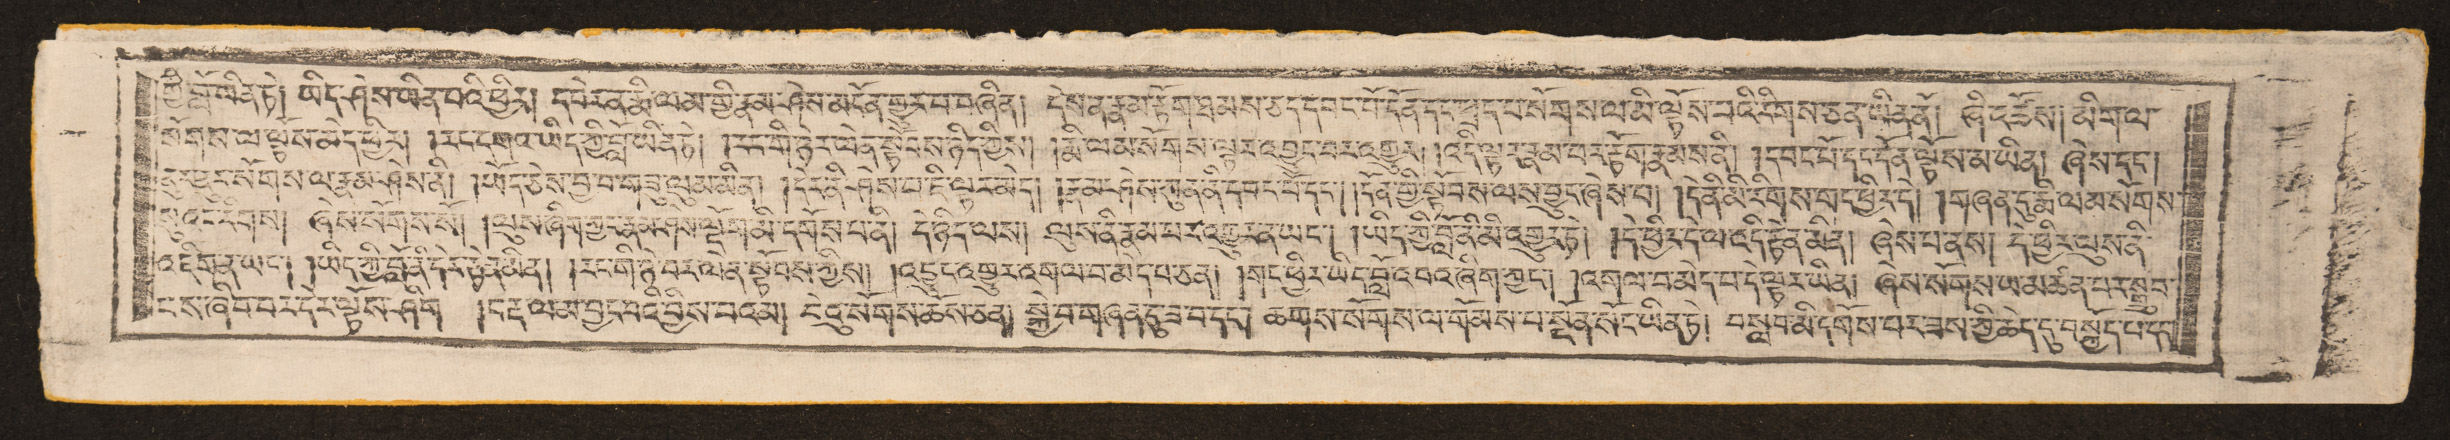གྱི་བློ་ཡིན་ཏེ། ཡིད་ཤེས་ཡིན་པའི་ཕྱིར། དཔེར་ན་རྨི་ལམ་གྱི་རྣམ་ཤེས་མངོན་གྱུར་བ་བཞིན། དེས་ན་རྣམ་རྟོག་ཐམས་ཅད་དབང་པོ་དོན་དང་ཕྲད་པ་སོགས་ལ་མི་ལྟོས་པའི་རིགས་ཅན་ཡིན་ནོ། ཞི་འཚོས། མིག་ལ་
སོགས་ལ་ལྟོས་མེད་ཕྱིར། །རང་དགའ་ཡིད་ཀྱི་བློ་ཡིན་ཏེ། །རང་གི་ཉེར་ལེན་སྟོབས་ཉིད་ཀྱིས། །རྨི་ལམ་སོགས་ལྟར་འབྱུང་བར་འགྱུར། །འདི་ལྟར་རྣམ་པར་རྟོག་རྣམས་ནི། །དབང་པོ་དང་དོན་ལྟོས་མ་ཡིན། ཞེས་དང་།
ནུར་ནུར་སོགས་ལ་རྣམ་ཤེས་ནི། །ཡོད་ཅེས་བྱ་བ་གཟུ་ལུམ་མིན། །དེར་ནི་ཤེས་པ་ཇི་ལྟར་མེད། །རྣམ་ཤེས་ཀུན་ནི་དབང་པོ་དང་། །དོན་གྱི་སྟོབས་ལས་བྱུང་ཞེས་པ། །དེ་ནི་མི་རིགས་གང་ཕྱིར་དེ། །གཞན་དུ་རྨི་ལམ་སོགས་
སུའང་རིགས། ཞེས་སོགས་སོ། །ལུས་ཞིག་ཀྱང་རྣམ་ཤེས་ལྡོག་མི་དགོས་པ་ནི། དེ་ཉིད་ལས། ལུས་ནི་རྣམ་པར་འགྱུར་ན་ཡང་། །ཡིད་ཀྱི་བློ་ནི་མི་འགྱུར་ཏེ། །དེ་ཕྱིར་དེ་ལ་འདི་རྟེན་མིན། ཞེས་བ་ནས། དེ་ཕྱིར་ལུས་ནི་
འཇིག་ན་ཡང་། །ཡིད་ཀྱི་བློ་ནི་དེར་རྟེན་མིན། །རང་གི་ཉེ་བར་ལེན་སྟོབས་ཀྱིས། །འབྱུང་འགྱུར་འགལ་བ་མེད་པ་ཅན། །གང་ཕྱིར་ཡིད་བློ་འབའ་ཞིག་ཀྱང་། །འགལ་བ་མེད་པ་དེ་ལྟར་ཡིན། ཞེས་སོགས་ཡ་མཚན་པར་སྒྲུབ་
པས་ཞིབ་པར་དེར་ལྟོས་ཤིག །བརྡ་ལ་མ་བྱང་བའི་བྱིས་པའམ། བེའུ་སོགས་ཆོས་ཅན། སྐྱེ་བ་གཞན་དུ་ཟ་བ་དང་། ཆགས་སོགས་ལ་གོམས་པ་སྔོན་སོང་ཡིན་ཏེ། བསླབ་མི་དགོས་པར་ཟས་ཀྱི་ཆེད་དུ་བསྐྱོད་པ་དང་